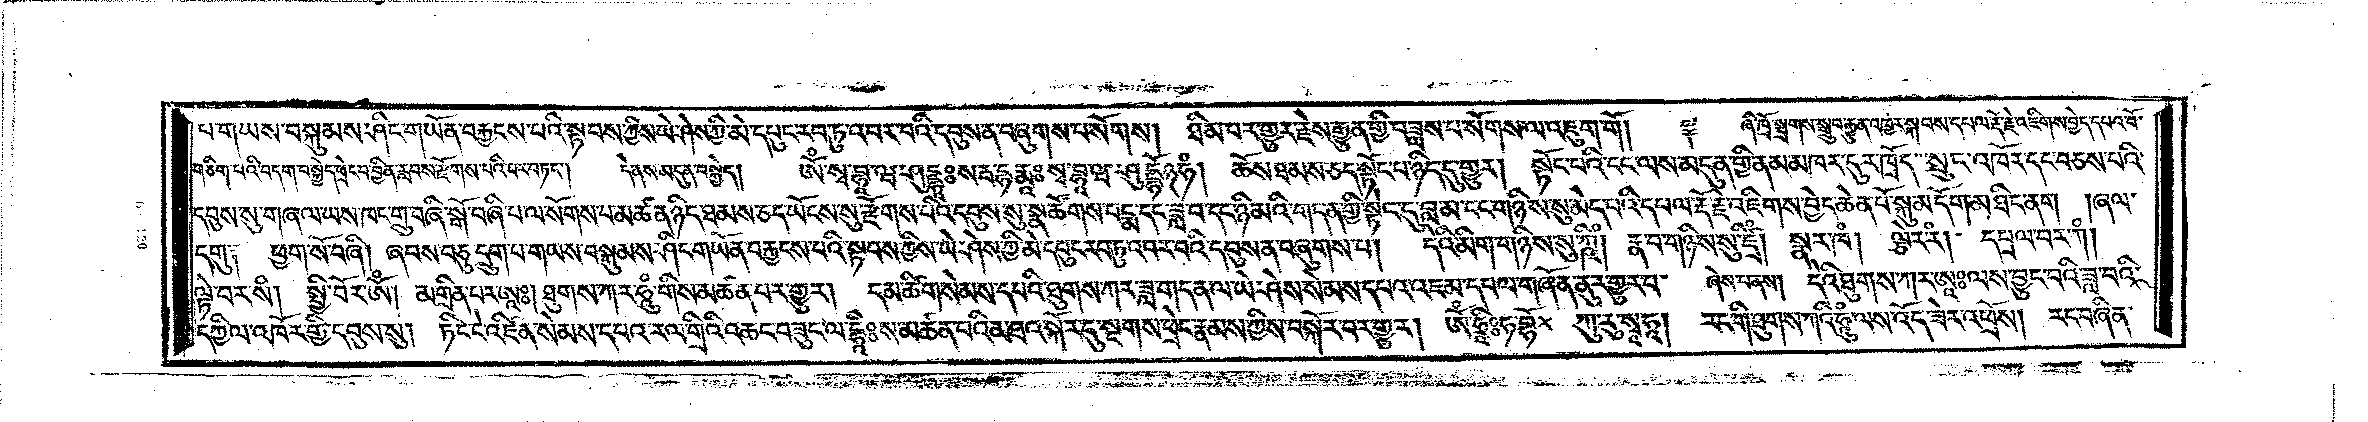པ་གཡས་བསྐུམས་ཤིང་གཡོན་བརྐྱངས་པའི་སྟབས་ཀྱིས་ཡེ་ཤེས་ཀྱི་མེ་དཔུང་རབ་ཏུ་འབར་བའི་དབུས་ན་བཞུགས་པ་སོགས། ཐིམ་པར་གྱུར་རྗེས་རྒྱུན་གྱི་བཟླས་པ་སོགས་ལ་འཇུག་གོ། ༈ ཞི་ཁྲོ་སྦྲགས་སྒྲུབ་རྒྱུན་འཁྱེར་སྐབས་དཔལ་རྡོ་རྗེ་འཇིགས་བྱེད་དཔའ་བོ་
གཅིག་པའི་བདག་བསྐྱེད་ཕྲེང་བ་བྱིན་རླབས་རྫོགས་པའི་པར་བཏང་། དེ་ནས་མདུན་བསྐྱེད། ཨོཾ་སྭ་བྷཱ་ཝ་ཤུདྡྷཱཿསརྦ་དྷརྨཱཿསྭ་བྷཱ་ཝ་ཤུདྡྷོཉཧཾ། ཆོས་ཐམས་ཅད་སྟོང་པ་ཉིད་དུ་གྱུར། སྟོང་པའི་ངང་ལས་མདུན་གྱི་ནམ་མཁར་དུར་ཁྲོད་སྲུང་འཁོར་དང་བཅས་པའི་
དབུས་སུ་གཞལ་ཡས་ཁང་གྲུ་བཞི་སྒོ་བཞི་པ་ལ་སོགས་པ་མཚན་ཉིད་ཐམས་ཅད་ཡོངས་སུ་རྫོགས་པའི་དབུས་སུ་སྣ་ཚོགས་པདམ་དང་ཟླ་བ་དང་ཉི་མའི་གདན་གྱི་སྟེང་དུ་བླ་མ་ངང་གཉིས་སུ་མེད་པའི་དཔལ་རྡོ་རྗེ་འཇིགས་བྱེད་ཆེན་པོ་སྐུ་མདོག་མཐིང་ནག །ཞལ་
དགུ༑ ཕྱག་སོ་བཞི། ཞབས་བཅུ་དྲུག་པ་གཡས་བསྐུམས་ཤིང་གཡོན་བརྐྱངས་པའི་སྟབས་ཀྱིས་ཡེ་ཤེས་ཀྱི་མེ་དབུང་རབ་ཏུ་འབར་བའི་དབུས་ན་བཞུགས་པ། དེའི་མིག་གཉིས་སུ་ཀྵིཾ། རྣ་བ་གཉིས་སུ་ཛྲིཾ། སྣར་ཁཾ། ལྕེར་རཾ། དཔྲལ་བར་ཀཾ།
ལྟེ་བར་སཾ། སྤྱི་བོར་ཨོཾ། མགྲིན་པར་ཨཱ། ཐུགས་ཀར་ཧཱུཾ་གིས་མཚན་པར་གྱུར། དམ་ཚིག་སེམས་དཔའི་ཐུགས་ཀར་ཟླ་གདན་ལ་ཡེ་ཤེས་སེམས་དཔའ་འཇམ་དཔལ་གཞོན་ནུར་གྱུར་བ་ཞེས་པ་ནས།  དེའི་ཐུགས་ཀར་ཨཱཿལས་བྱུང་བའི་ཟླ་བའི་
དཀྱིལ་འཁོར་གྱི་དབུས་སུ། ཏིང་ངེ་འཛིན་སེམས་དཔའ་རལ་གྲིའི་འཆང་བཟུང་ལ་དྷཱིཿས་མཚན་པའི་མཐའ་སྐོར་དུ་སྔགས་ཕྲེང་རྣམས་ཀྱིས་བསྐོར་བར་གྱུར། ཨོཾ་ཧྲཱིཿཧ་བྷོ་྾་ཀུ་རུ་སྭཱཧཱ། རང་གི་ཐུགས་ཀའི་ཧཱུཾ་ལས་འོད་ཟེར་འཕྲོས། རང་བཞི་